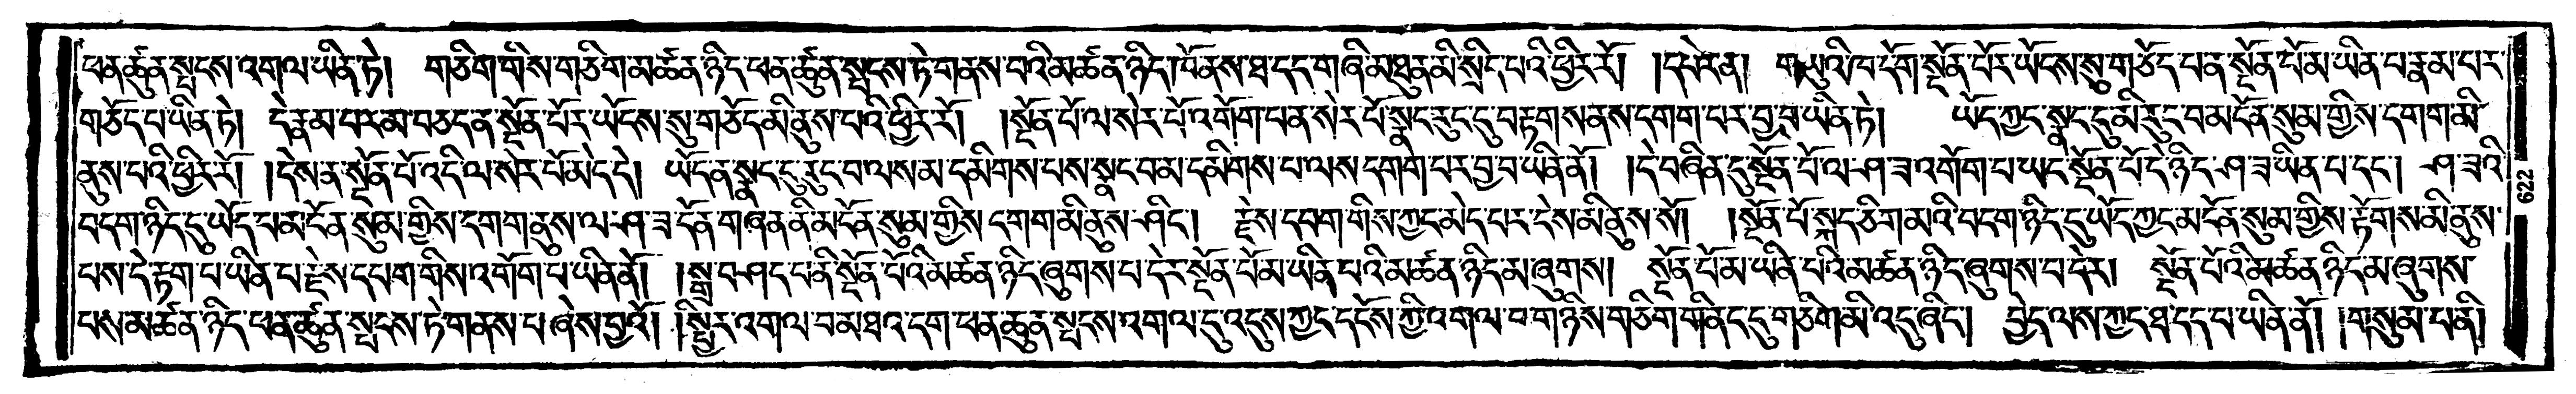ཕན་ཚུན་སྤངས་འགལ་ཡིན་ཏེ། གཅིག་གིས་གཅིག་མཚན་ཉིད་ཕན་ཚུན་སྤངས་ཏེ་གནས་པའི་མཚན་ཉིད་ཁོ་ནས་ཐ་དད་གཞི་མཐུན་མི་སྲིད་པའི་ཕྱིར་རོ། །དཔེར་ན། གཡུའི་ཁ་དོག་སྔོན་པོར་ཡོངས་སུ་གཅོད་པ་ན་སྔོན་པོ་མ་ཡིན་པ་རྣམ་པར་
གཅོད་པ་ཡིན་ཏེ། དེ་རྣམ་པར་མ་བཅད་ན་སྔོན་པོར་ཡོངས་སུ་གཅོད་མི་ནུས་པའི་ཕྱིར་རོ། །སྔོན་པོ་ལ་སེར་པོ་འགོག་པ་ན་སེར་པོ་སྣང་རུང་དུ་བརྟགས་ནས་དགག་པར་བྱ་བ་ཡིན་ཏེ། ཡོད་ཀྱང་སྣང་དུ་མི་རུང་བ་མངོན་སུམ་གྱིས་དགག་མི་
ནུས་པའི་ཕྱིར་རོ། །དེས་ན་སྔོན་པོ་འདི་ལ་སེར་པོ་མེད་དེ། ཡོད་ན་སྣང་དུ་རུང་བ་ལས་མ་དམིགས་པས་སྣང་བ་མ་དམིགས་པ་ལས་དགག་པར་བྱ་བ་ཡིན་ནོ། །དེ་བཞིན་དུ་སྔོན་པོ་ལ་ཤ་ཟ་འགོག་པ་ཡང་སྔོན་པོ་དེ་ཉིད་ཤ་ཟ་ཡིན་པ་དང་། ཤ་ཟའི་
བདག་ཉིད་དུ་ཡོད་པ་མངོན་སུམ་གྱིས་དགག་ནུས་ལ་ཤ་ཟ་དོན་གཞན་ནི་མངོན་སུམ་གྱིས་དགག་མི་ནུས་ཤིང་། རྗེས་དཔག་གིས་ཀྱང་མེད་པར་ངེས་མི་ནུས་སོ། །སྔོན་པོ་སྐད་ཅིག་མའི་བདག་ཉིད་དུ་ཡོད་ཀྱང་མངོན་སུམ་གྱིས་རྟོགས་མི་ནུས་
པས་དེ་རྟག་པ་ཡིན་པ་རྗེས་དཔག་གིས་འགོག་པ་ཡིན་ནོ། །སྒྲ་བཤད་པ་ནི་སྔོན་པོའི་མཚན་ཉིད་ཞུགས་པ་དེར་སྔོན་པོ་མ་ཡིན་པའི་མཚན་ཉིད་མ་ཞུགས། སྔོན་པོ་མ་ཡིན་པའི་མཚན་ཉིད་ཞུགས་པ་དེར། སྔོན་པོའི་མཚན་ཉིད་མ་ཞུགས་
པས་མཚན་ཉིད་ཕན་ཚུན་སྤངས་ཏེ་གནས་པ་ཞེས་བྱའོ། །སྤྱིར་འགལ་བ་མཐའ་དག་ཕན་ཆུ་ན་སྤངས་འགལ་དུ་འདུས་ཀྱང་དངོས་ཀྱི་འགལ་བ་གཉིས་གཅིག་གི་ནང་དུ་གཅིག་མི་འདུ་ཞིང་། བྱེད་ལས་ཀྱང་ཐ་དད་པ་ཡིན་ནོ། །གསུམ་པ་ནི།